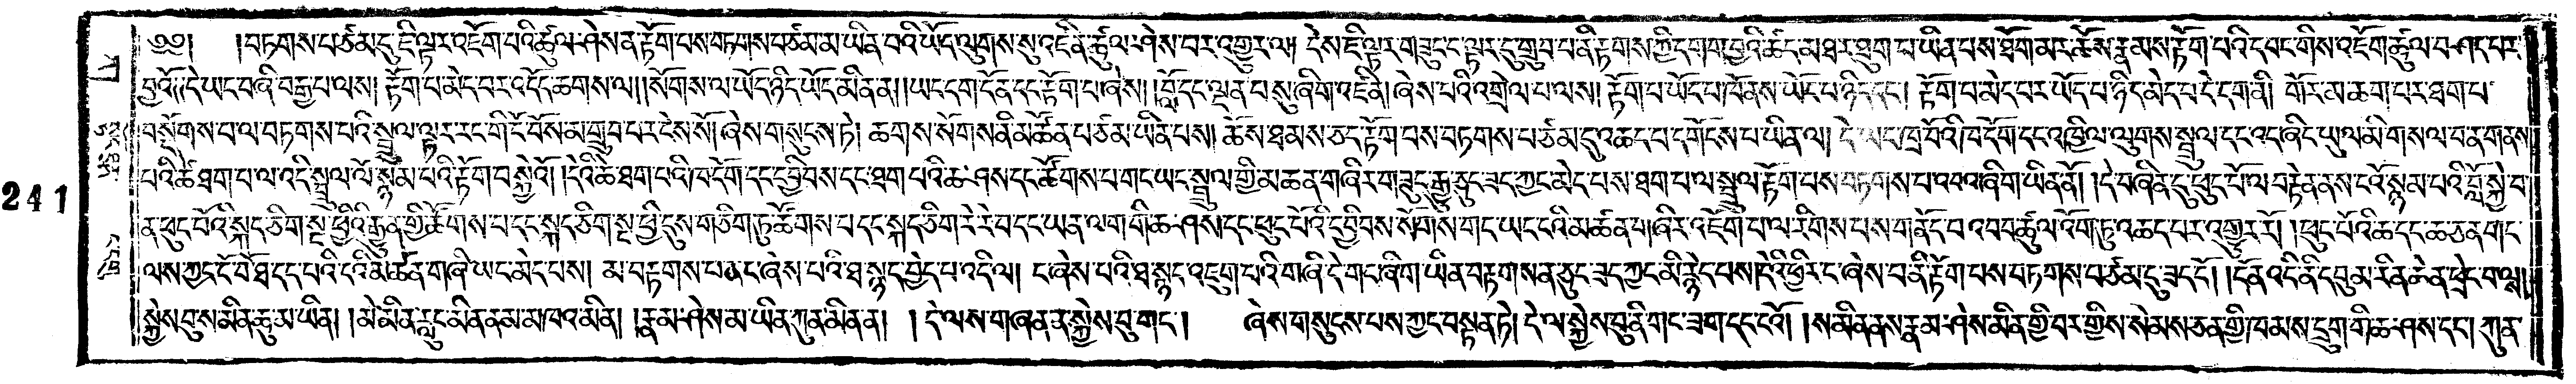༄༅། །བཏགས་པ་ཙམ་དུ་ཇི་ལྟར་འཇོག་པའི་ཚུལ་ཤེས་ན་རྟོག་པས་བཏགས་པ་ཙམ་མ་ཡིན་པའི་ཡོད་ལུགས་སུ་འཛིན་ཚུལ་ཤེས་པར་འགྱུར་ལ། དེས་ཇི་ལྟར་གཟུང་བ་ལྟར་དུ་གྲུབ་པའི་རྟགས་ཀྱི་དགག་བྱའི་ཚད་མཐར་ཐུག་པ་ཡིན་པས་ཐོག་པར་ཆོས་རྣམས་རྟོག་པའི་དབང་གིས་འཇོག་ཚུལ་བཤད་པར་
བྱའོ༑ ༑དེ་ཡང་བཞི་བརྒྱ་པ་ལས། རྟོག་པ་མེད་པར་འདོད་ཆགས་ལ། །སོགས་ལ་ཡོད་ཉིད་ཡོད་མིན་ན། །ཡང་དག་དོན་དང་རྟོག་པ་ཞེས། །བློ་དང་ལྡན་པ་སུ་ཞིག་འཛིན། ཞེས་པའི་འགྲེལ་པ་ལས། རྟོག་པ་ཡོད་པ་ཁོ་ནས་ཡོད་པ་ཉིད་དང་། རྟོག་པ་མེད་པར་ཡོད་པ་ཉིད་མེད་པ་དེ་དག་ནི། གོར་མ་ཆག་པར་ཐག་པ་
བསྔོགས་པ་ལ་བཏགས་པའི་སྦྲུལ་ལྟར་རང་གི་ངོ་བོས་མ་གྲུབ་པར་ངེས་སོ། ཞེས་གསུངས་ཏེ། ཆགས་སོགས་ནི་མཚོན་པ་ཙམ་ཡིན་པས། ཆོས་ཐམས་ཅད་རྟོག་པས་བཏགས་པ་ཙམ་དུ་འཆད་པ་དགོངས་པ་ཡིན་ལ། དེ་ཡང་ཁྲ་བོའི་ཁ་དོག་དང་འཁྱིལ་ལུགས་སྦྲུལ་དང་འད་ཞིང་ཡུལ་མི་གསལ་བ་ན་གནས་
པའི་ཚེ་ཐག་བ་ལ་འདི་སྦྲུལ་ལོ་སྙམ་པའི་རྟོག་བསྐྱེའོ། །དེའི་ཚེ་ཐག་པའི་ཁ་དོག་དང་དབྱིབས་དང་ཐག་པའི་ཆ་ཤས་དང་ཚོགས་པ་གང་ཡང་སྦྲུལ་གྱི་མཆན་གཞིར་གཟུང་རྒྱུ་ཅུང་ཟད་ཀྱང་མེད་པས་ཐག་པ་ལ་སྦྲུལ་རྟོག་པས་བཏགས་པ་འབའ་ཞིག་ཡིན་ནོ། །དེ་བཞིན་དུ་ཕུང་པོ་ལ་བརྟེན་ནས་ངའོ་སྙམ་པའི་བློ་སྐྱེ་བ་
ན་ཕུང་པོའི་སྐད་ཅིག་སྔ་ཕྱིའི་རྒྱུན་གྱི་ཚོགས་པ་དང་སྐད་ཅིག་སྔ་ཕྱི་དུས་གཅིག་ཏུ་ཚོགས་པ་དང་སྐད་ཅིག་རེ་རེ་བ་དང་ཡན་ལག་གི་ཆ་ཤས་དང་ཕུང་པོའི་དབྱིབས་སོགས་གང་ཡང་ངའི་མཚན་གཞིར་འཇོག་པ་ལ་རིགས་པས་གནོད་བ་འབབ་ཚུལ་འོག་ཏུ་འཆད་པར་འགྱུར་རོ། །ཕུང་པོའི་ཆ་དང་ཆ་ཅན་གང་
ལས་ཀྱང་ངོ་བོ་ཐ་དད་པའི་ངའི་མཚན་གཞི་ཡང་མེད་པས། མ་བརྟགས་པ་ནང་ཞེས་པའི་ཐ་སྙད་བྱེད་པ་འདི་ལ། ང་ཞེས་པའི་ཐ་སྙད་འཇུག་པའི་གཞི་དེ་གང་ཞིག་ཡིན་བརྟགས་ན་ཅུང་ཟད་ཀྱང་མི་རྙེད་པས། དེའི་ཕྱིར་ང་ཞེས་པ་ནི་རྟོག་པས་བཏགས་པ་ཙམ་དུ་ཟད་དོ། །དོན་འདི་ནི་དབུ་མ་རིན་ཆེན་ཕྲེང་བ་ལས།
སྐྱེས་བུས་མིན་ཆུ་མ་ཡིན། །མེ་མིན་རླུང་མིན་ནམ་མཁའ་མིན། །རྣམ་ཤེས་མ་ཡིན་ཀུན་མིན་ན། །དེ་ལས་གཞན་སྐྱེས་བུ་གང་། ཞེས་གསུངས་པས་ཀྱང་བསྟན་ཏེ། དེ་ལ་སྐྱེས་བུ་ནི་གང་ཟག་དང་ངའོ། །ས་མིན་ནས་རྣམ་ཤེས་མིན་གྱི་བར་གྱིས་སེམས་ཅན་གྱི་ཁམས་དྲུག་གི་ཆ་ཤས་དང་། ཀུན་